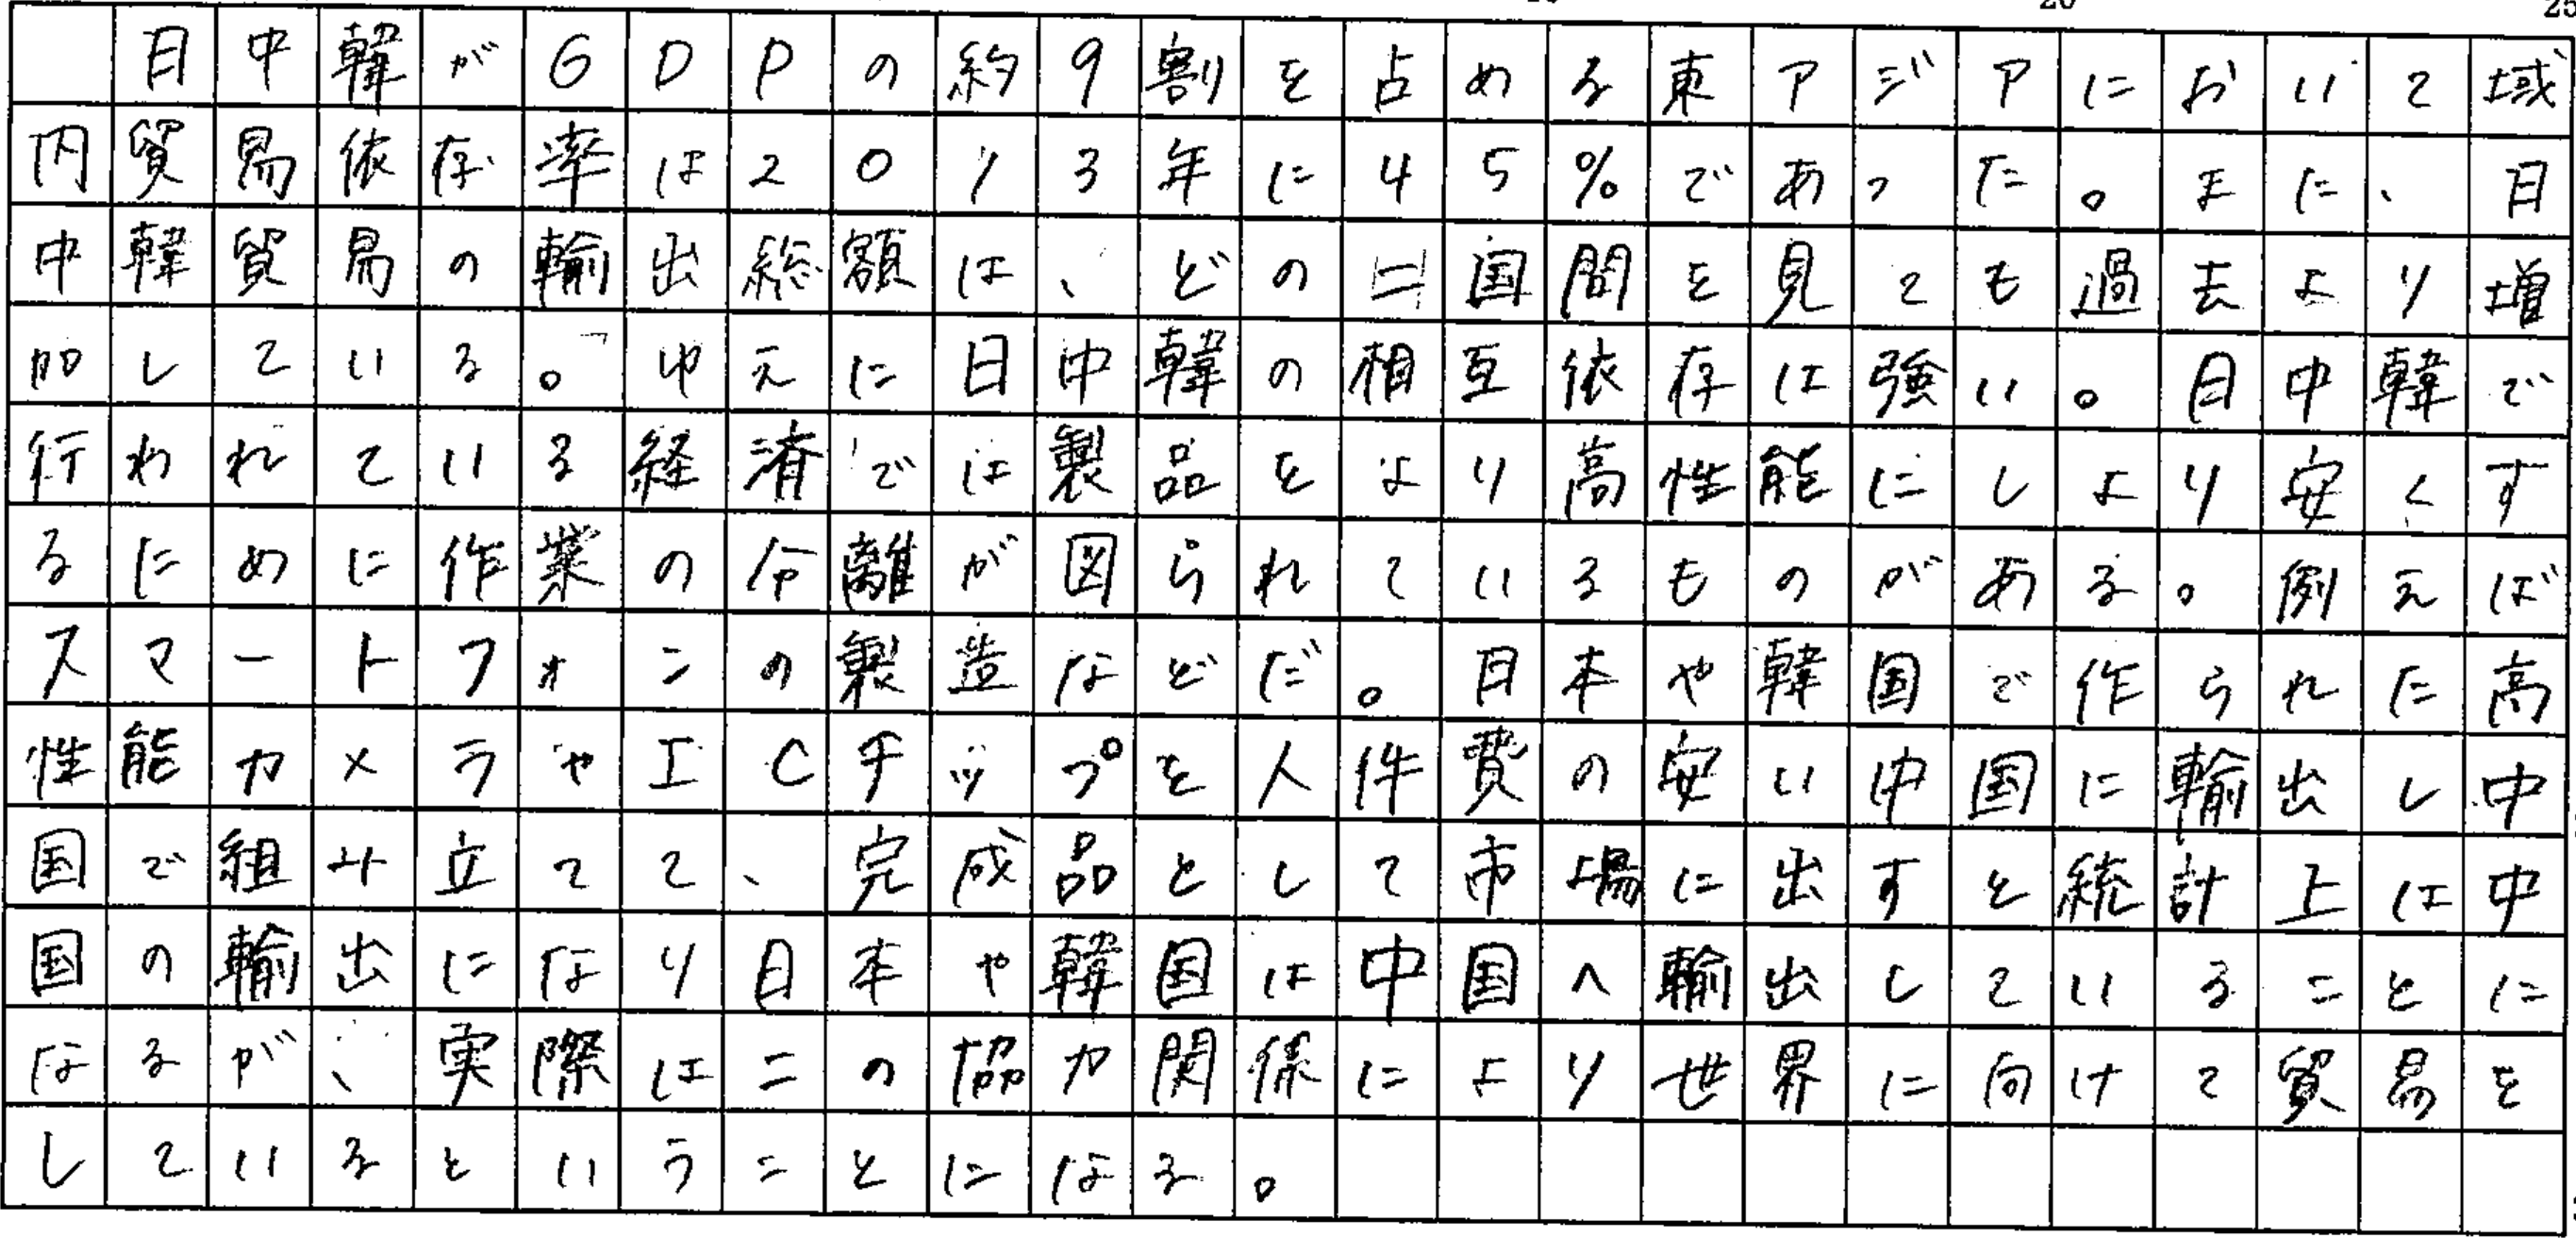　日中韓がＧＤＰの約９割を占める東アジアにおいて域内貿易依存率は２０１３年に４５％であった。また、日中韓貿易の輸出総額は、どの二国間を見ても過去より増加している。ゆえに日中韓の相互依存は強い。日中韓で行われている経済では製品をより高性能にしより安くするために作業の分離が図られているものがある。例えばスマートフォンの製造などだ。日本や韓国で作られた高性能カメラやＩＣチップを人件費の安い中国に輸出し中国で組み立てて、完成品として市場に出すと統計上は中国の輸出になり日本や韓国は中国へ輸出していることになるが、実際はこの協力関係により世界に向けて貿易をしているということになる。
